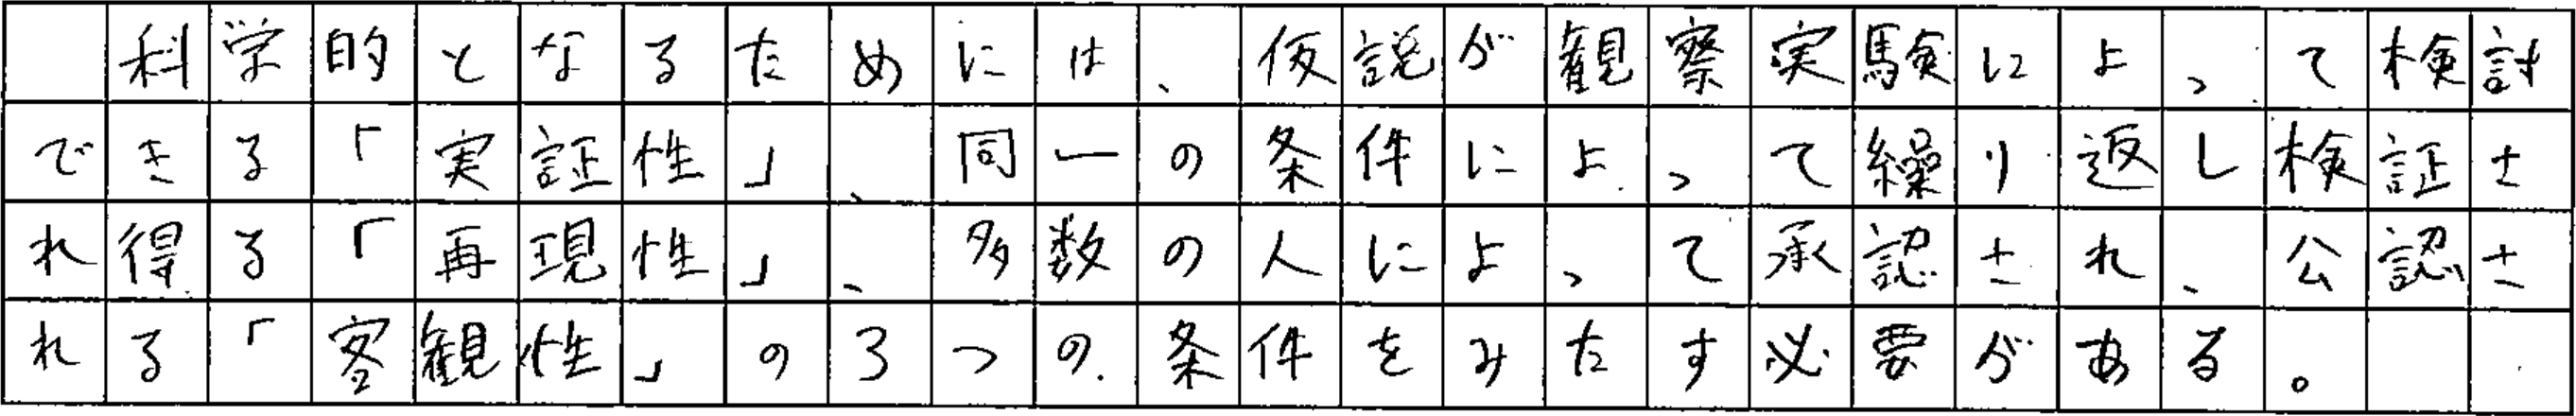　科学的となるためには、仮説が観察実験によって検討できる「実証性」、同一の条件によって繰り返し検証され得る「再現性」、多数の人によって承認され、公認される「客観性」の３つの条件をみたす必要がある。
